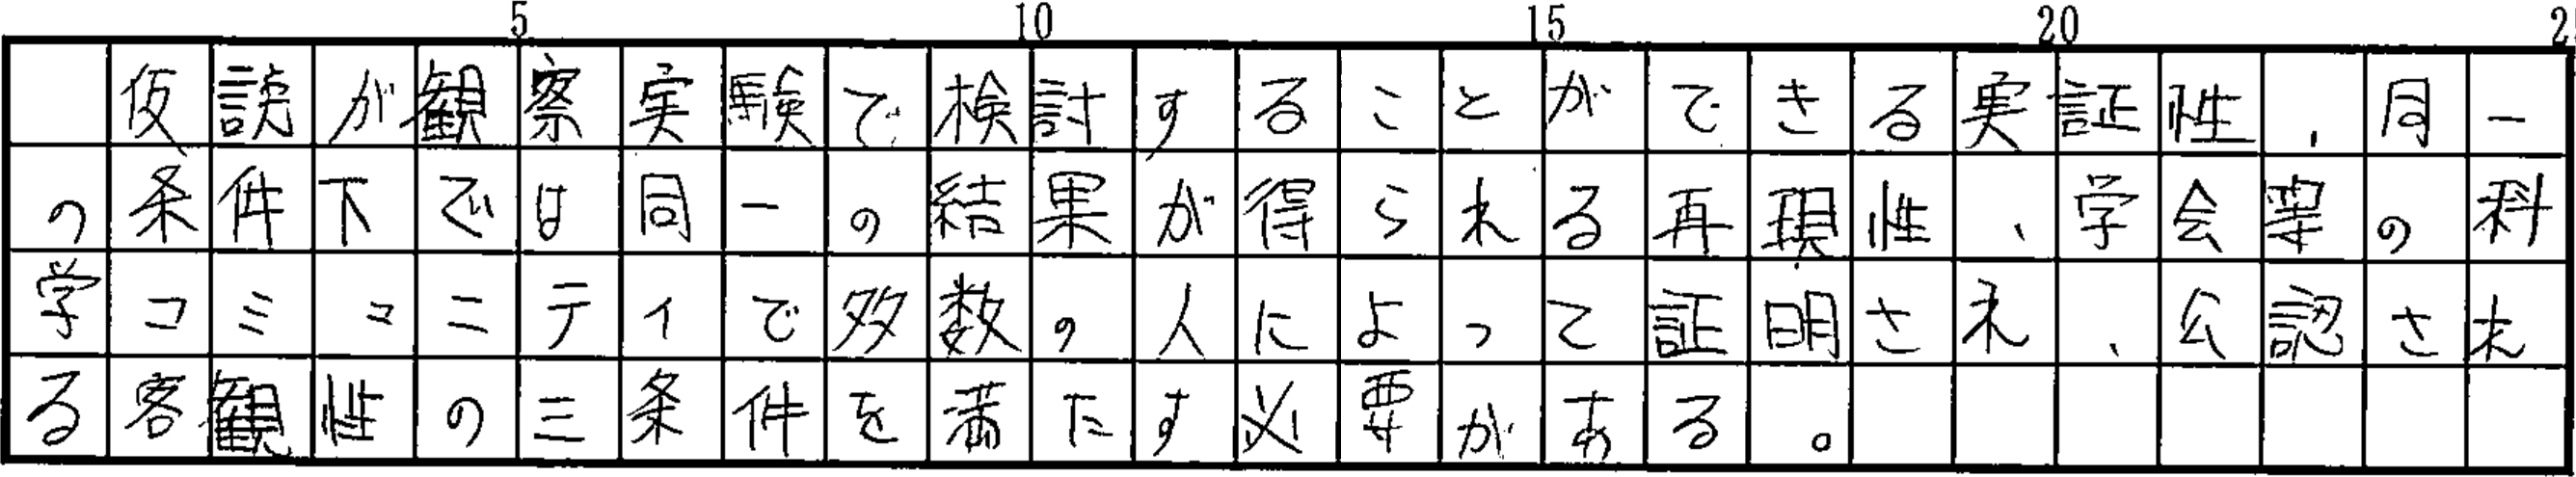　仮説が観察実験で検討することができる実証性、同一の条件下では同一の結果が得られる再現性、学会等の科学コミュニティで多数の人によって証明され、公認される客観性の三条件を満たす必要がある。
